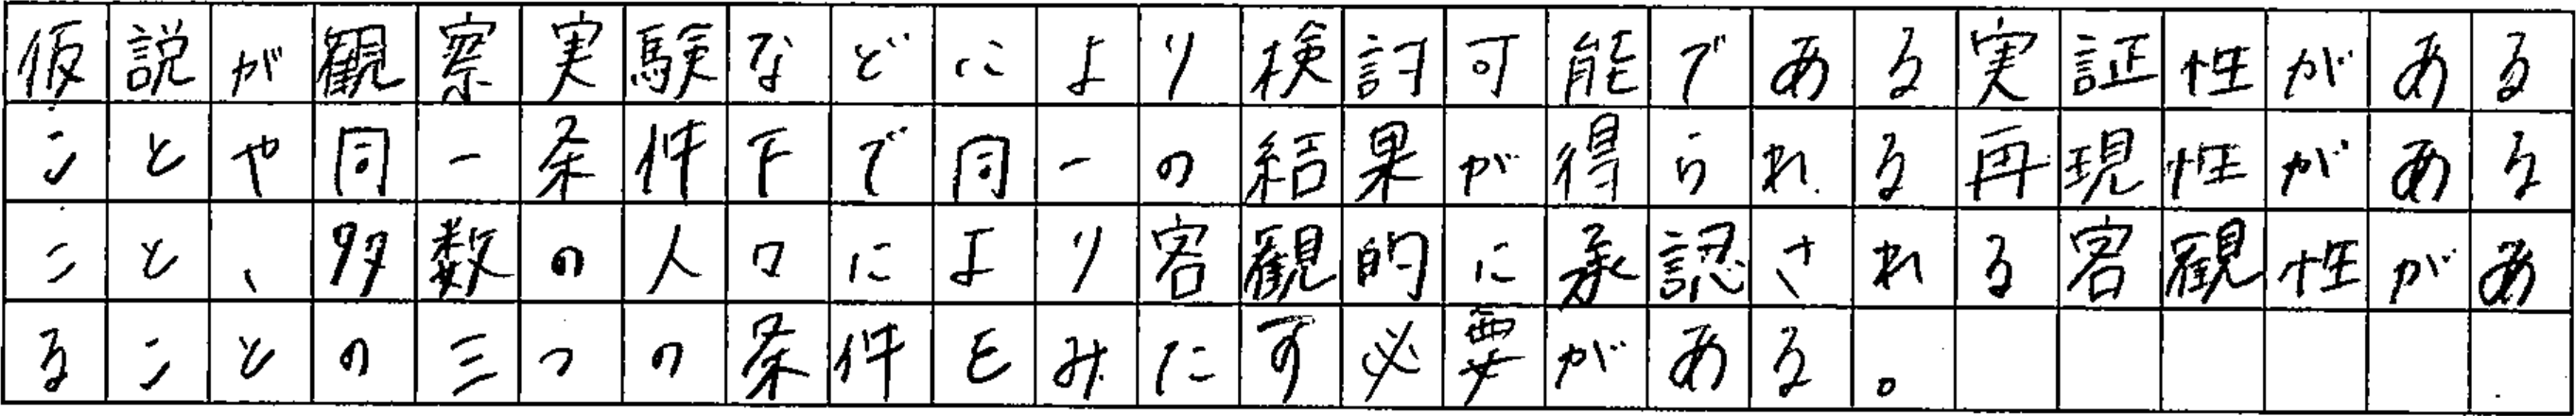仮説が観察実験などにより検討可能である実証性があることや同一条件下で同一の結果が得られる再現性があること、多数の人々により客観的に承認される客観性があることの三つの条件をみたす必要がある。
